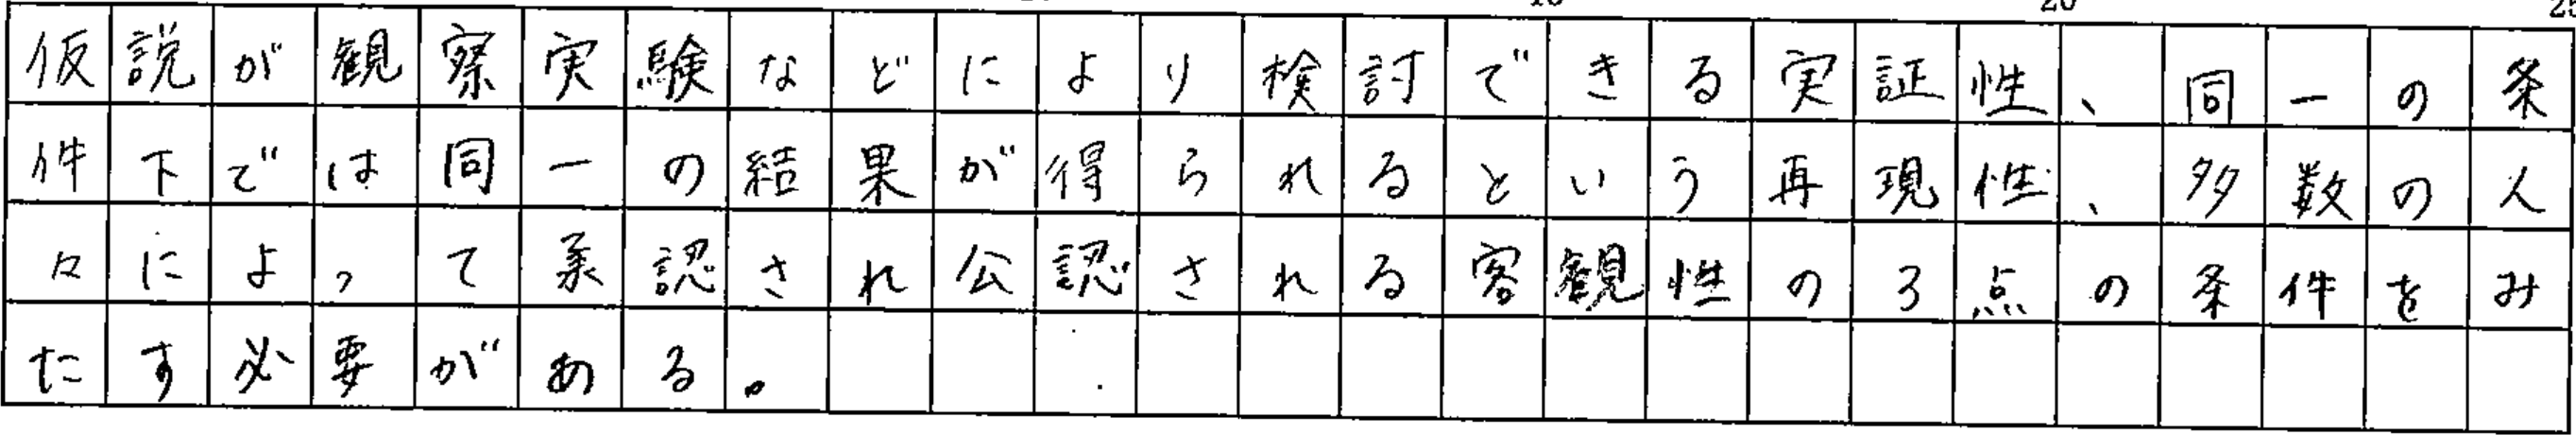仮説が観察実験などにより検討できる実証性、同一の条件下では同一の結果が得られるという再現性、多数の人々によって承認され公認される客観性の３点の条件をみたす必要がある。
